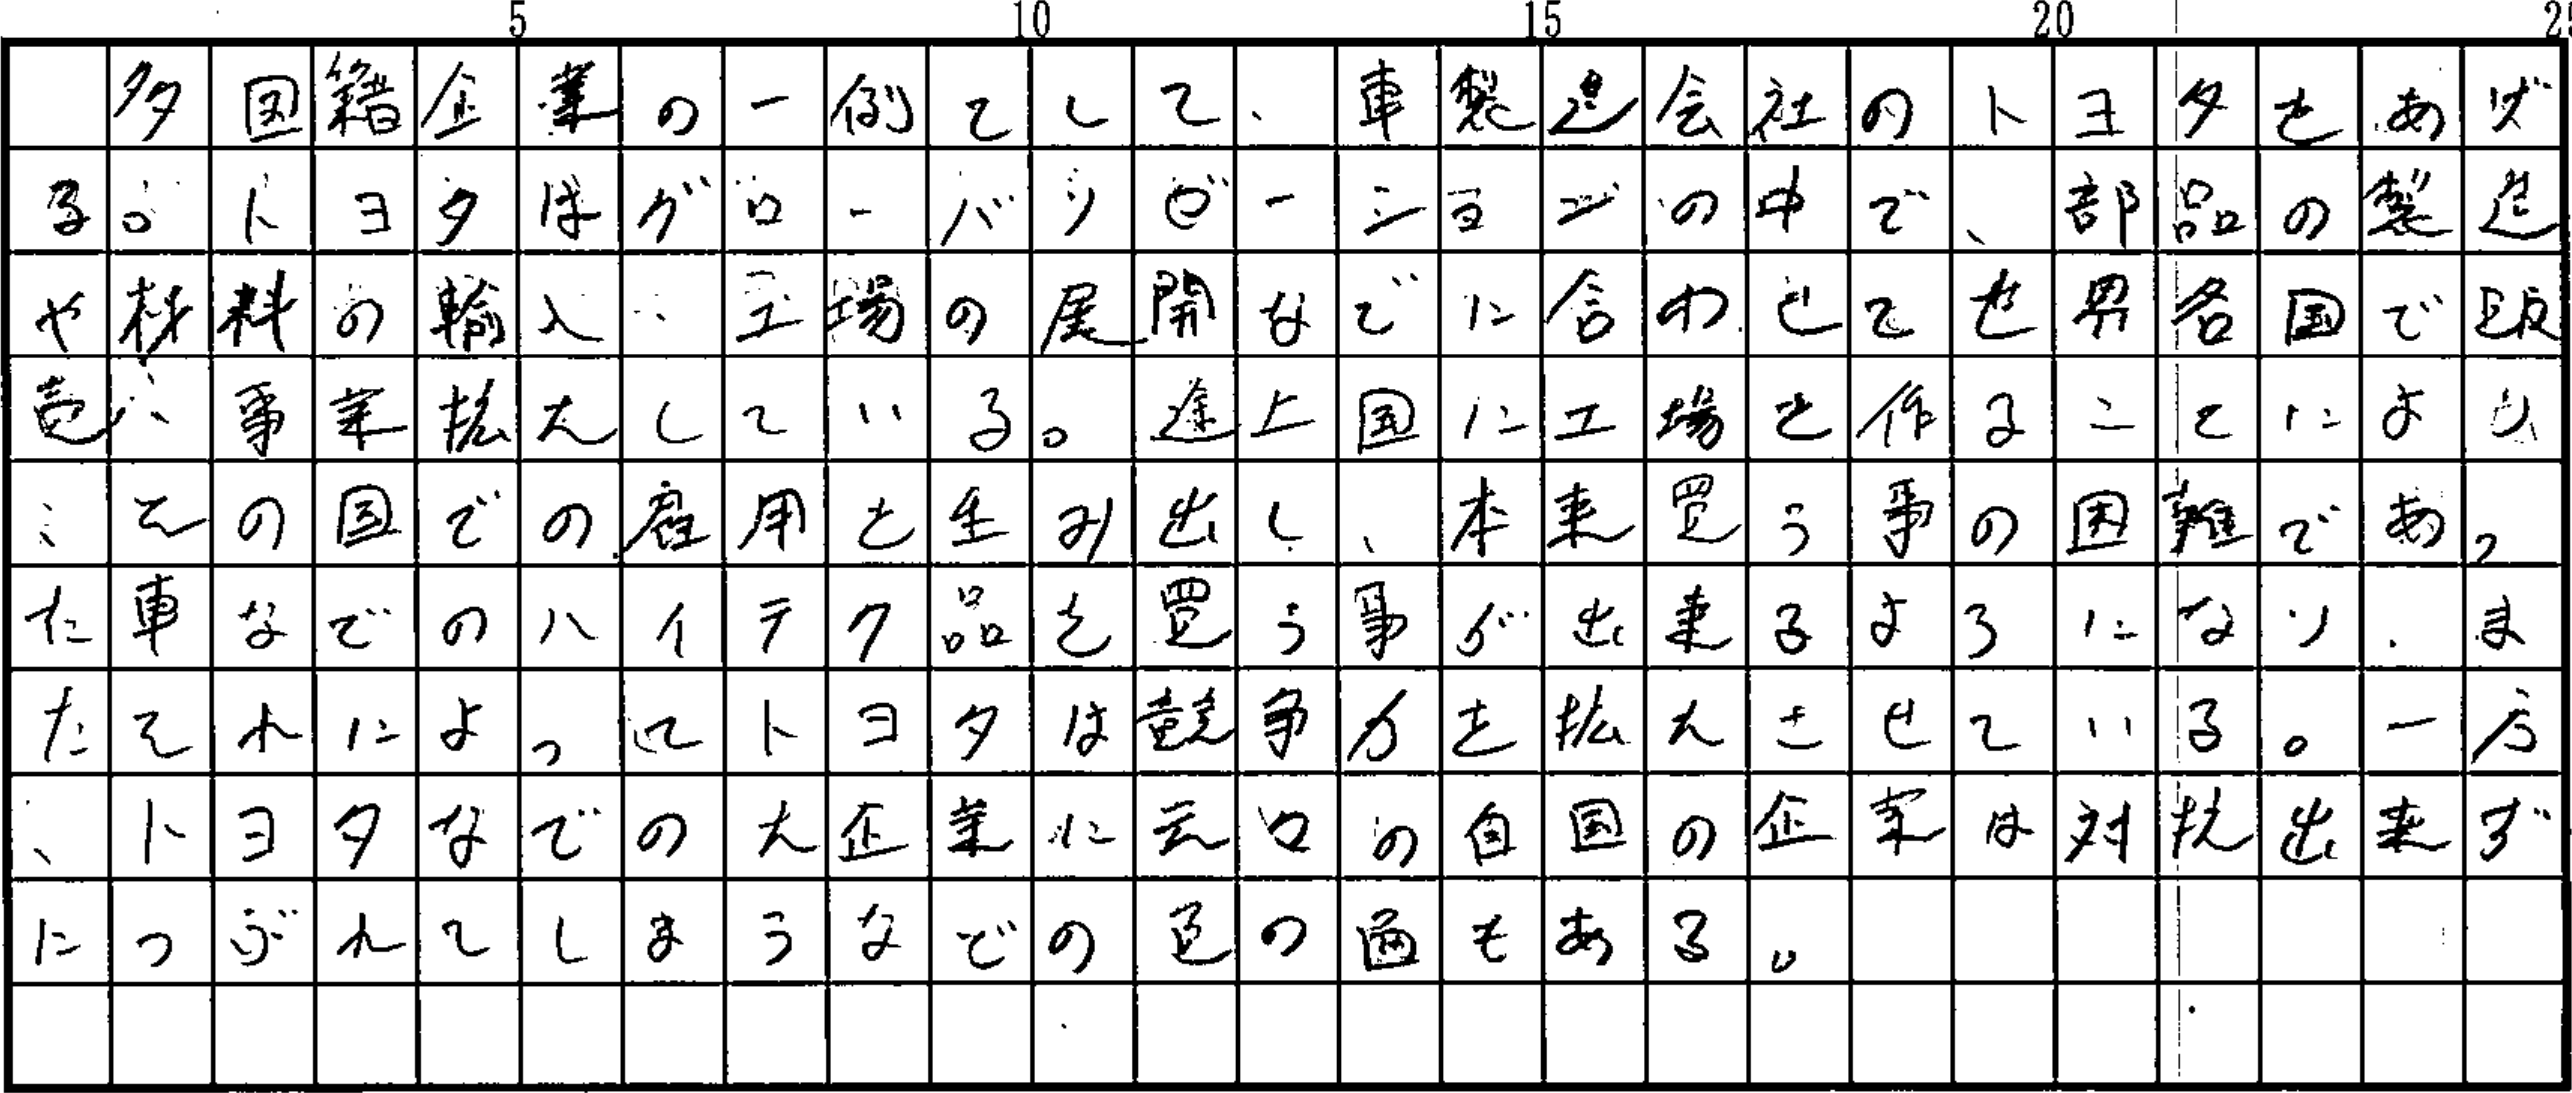　多国籍企業の一例として、車製造会社のトヨタをあげる。トヨタはグローバリゼーションの中で、部品の製造や材料の輸入・工場の展開などに合わせて世界各国で販売・事業拡大している。途上国に工場を作ることにより、その国での雇用を生み出し、本来買う事の困難であった車などのハイテク品を買う事が出来るようになり、またそれによってトヨタは競争力を拡大させている。一方、トヨタなどの大企業に元々の自国の企業は対抗出来ずにつぶれてしまうなどの負の面もある。
